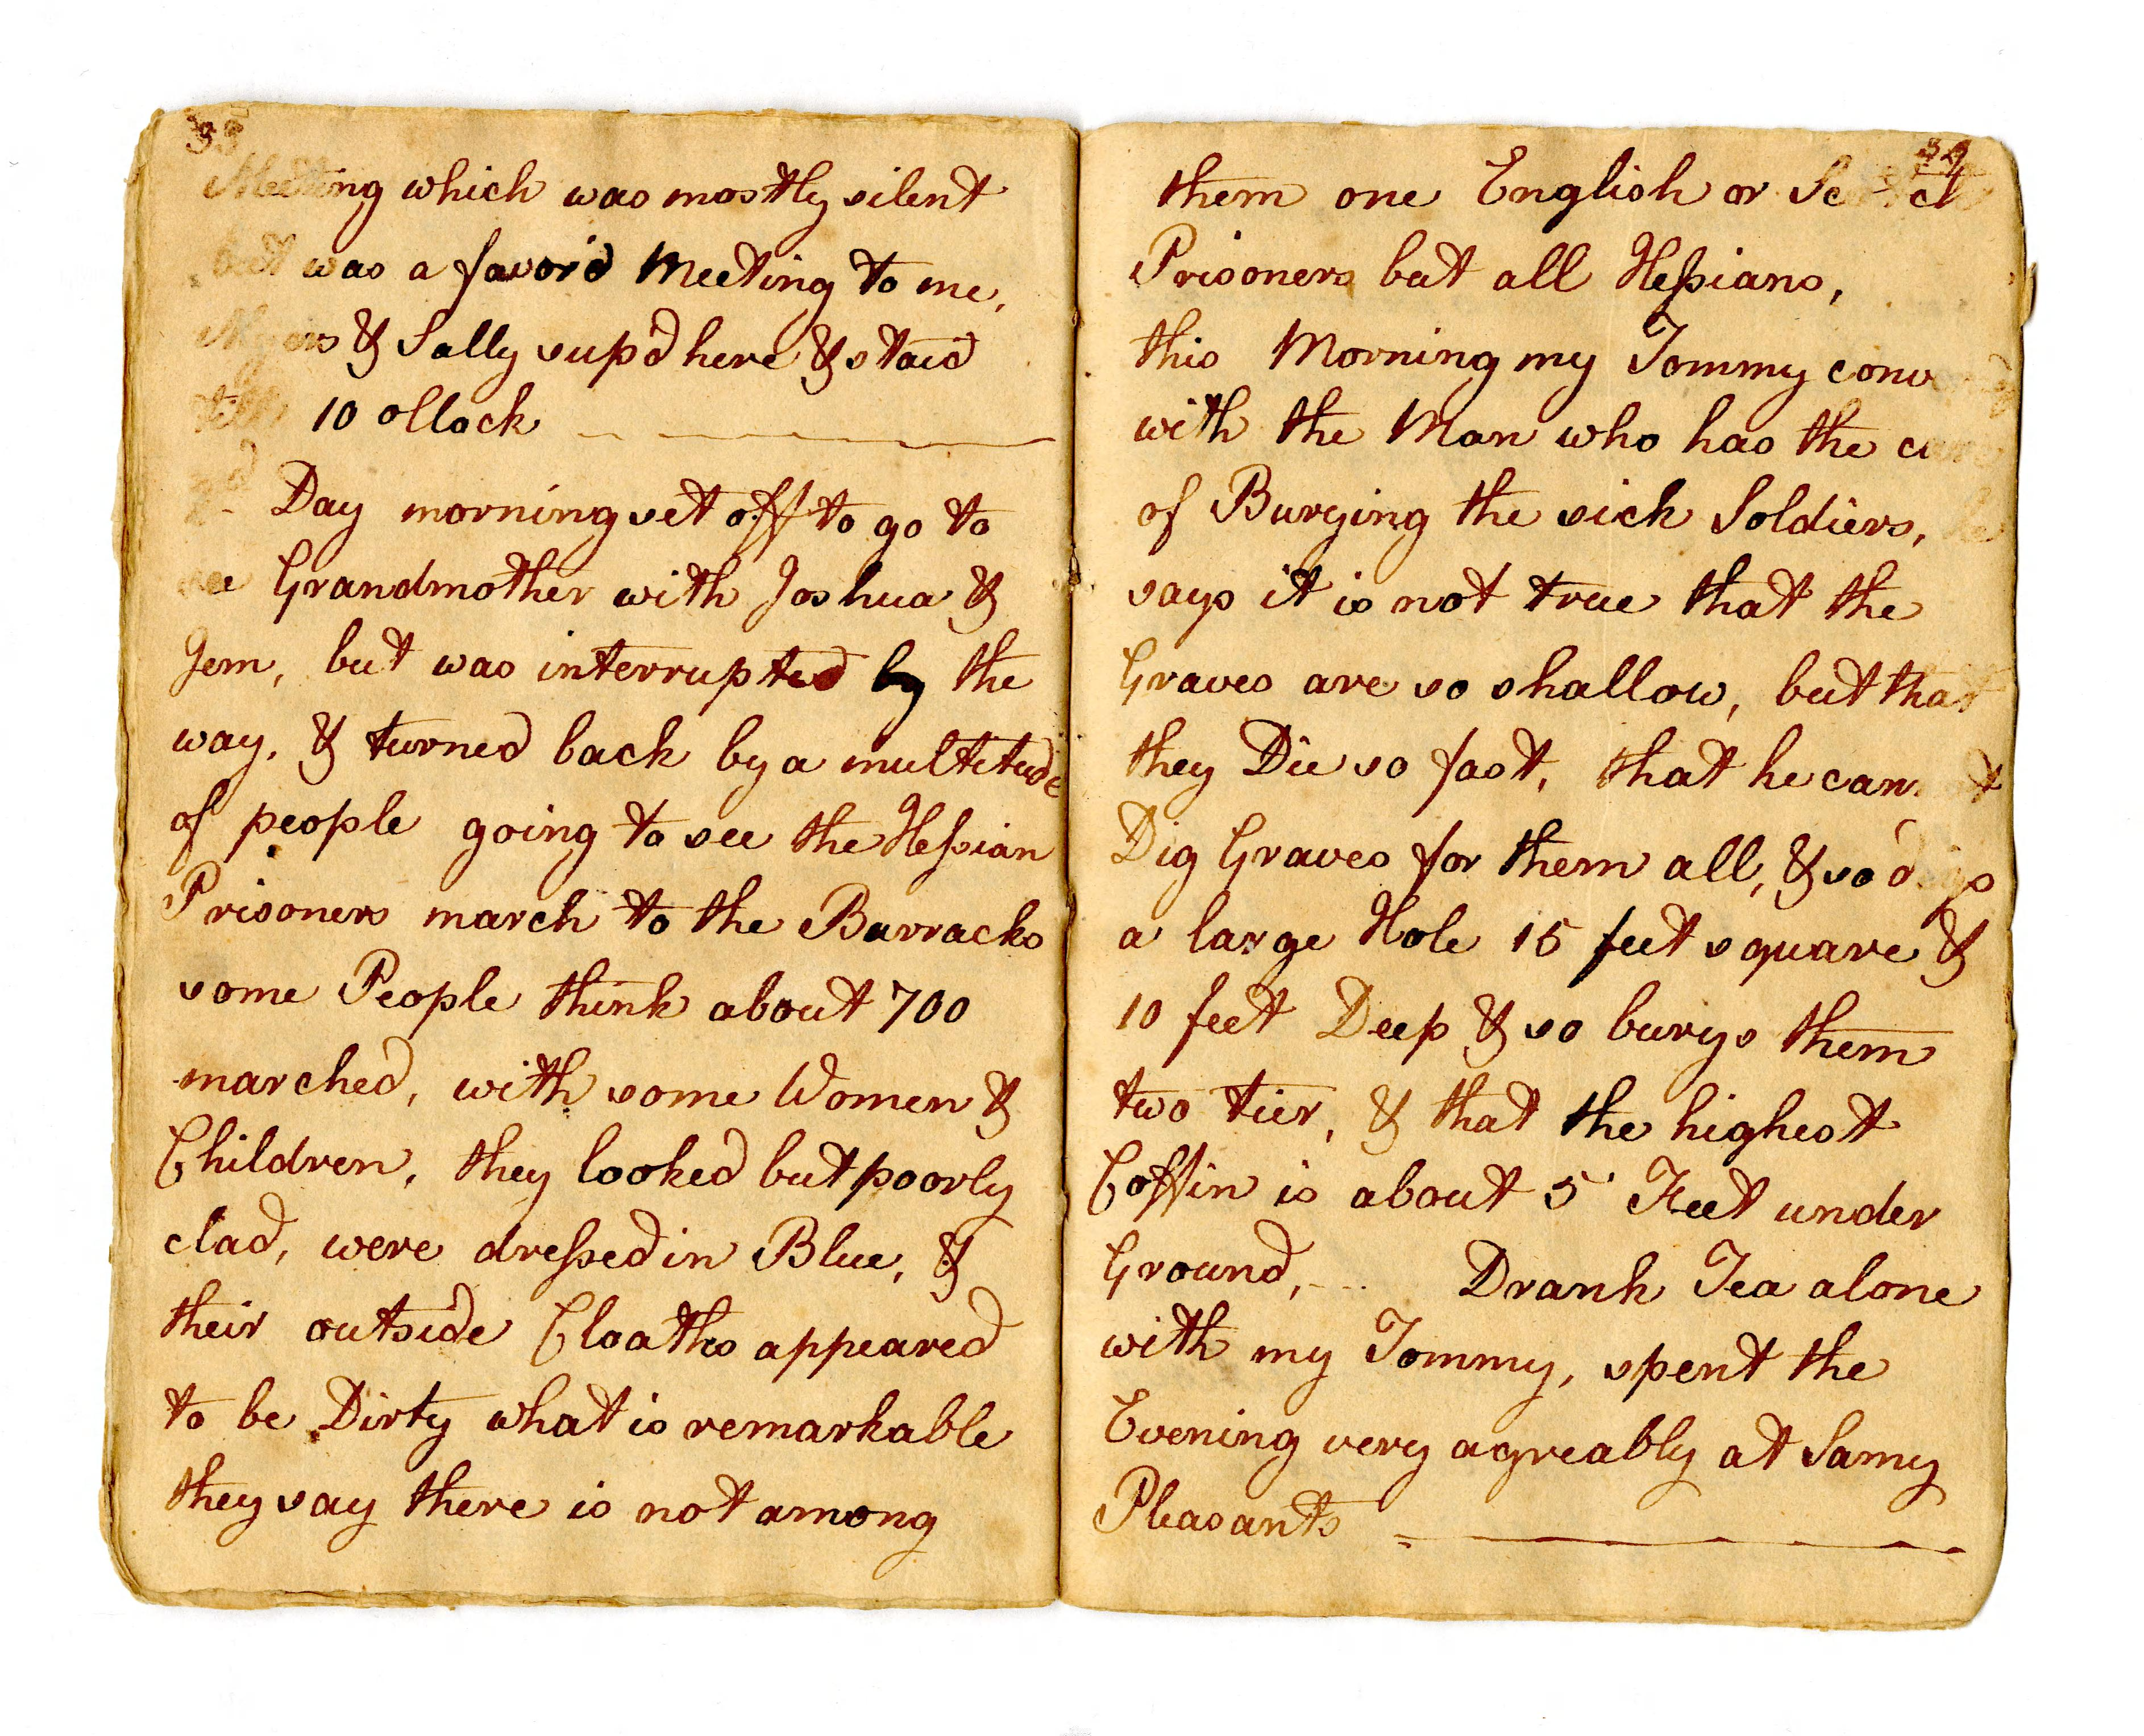Meeting which was mostly silent
but was a favor'd Meeting to me,
Myers & Sally sup'd here & staid
till 10 oClock-
2^d Day morning set off to go to
see Grandmother with Joshua &
Jem, but was interrupted by the
way, & turned back by a multitude
of people going to see the Hessian
Prisoners march to the Barracks
some People think about 700
marched, with some Women &
Children, they looked but poorly
clad, were dressed in Blue, &
their outside Cloaths appeared
to be Dirty what is remarkable
they say there is not among
them one English or Scotch
Prisoners but all Hessians,
this Morning my Tommy conversd
with the Man who has the care
of Burying the sick Soldiers, he
says it is not true that the
Graves are so shallow, but that
they Die so fast, that he cannot
Dig Graves for them all, & so digs
a large Hole 15 feet square &
10 feet Deep & so burys them
two tier, & that the highest
Coffin is about 5 Feet under
Ground,- Drank Tea alone
with my Tommy, spent the
Evening very agreably at Samy
Pleasants-